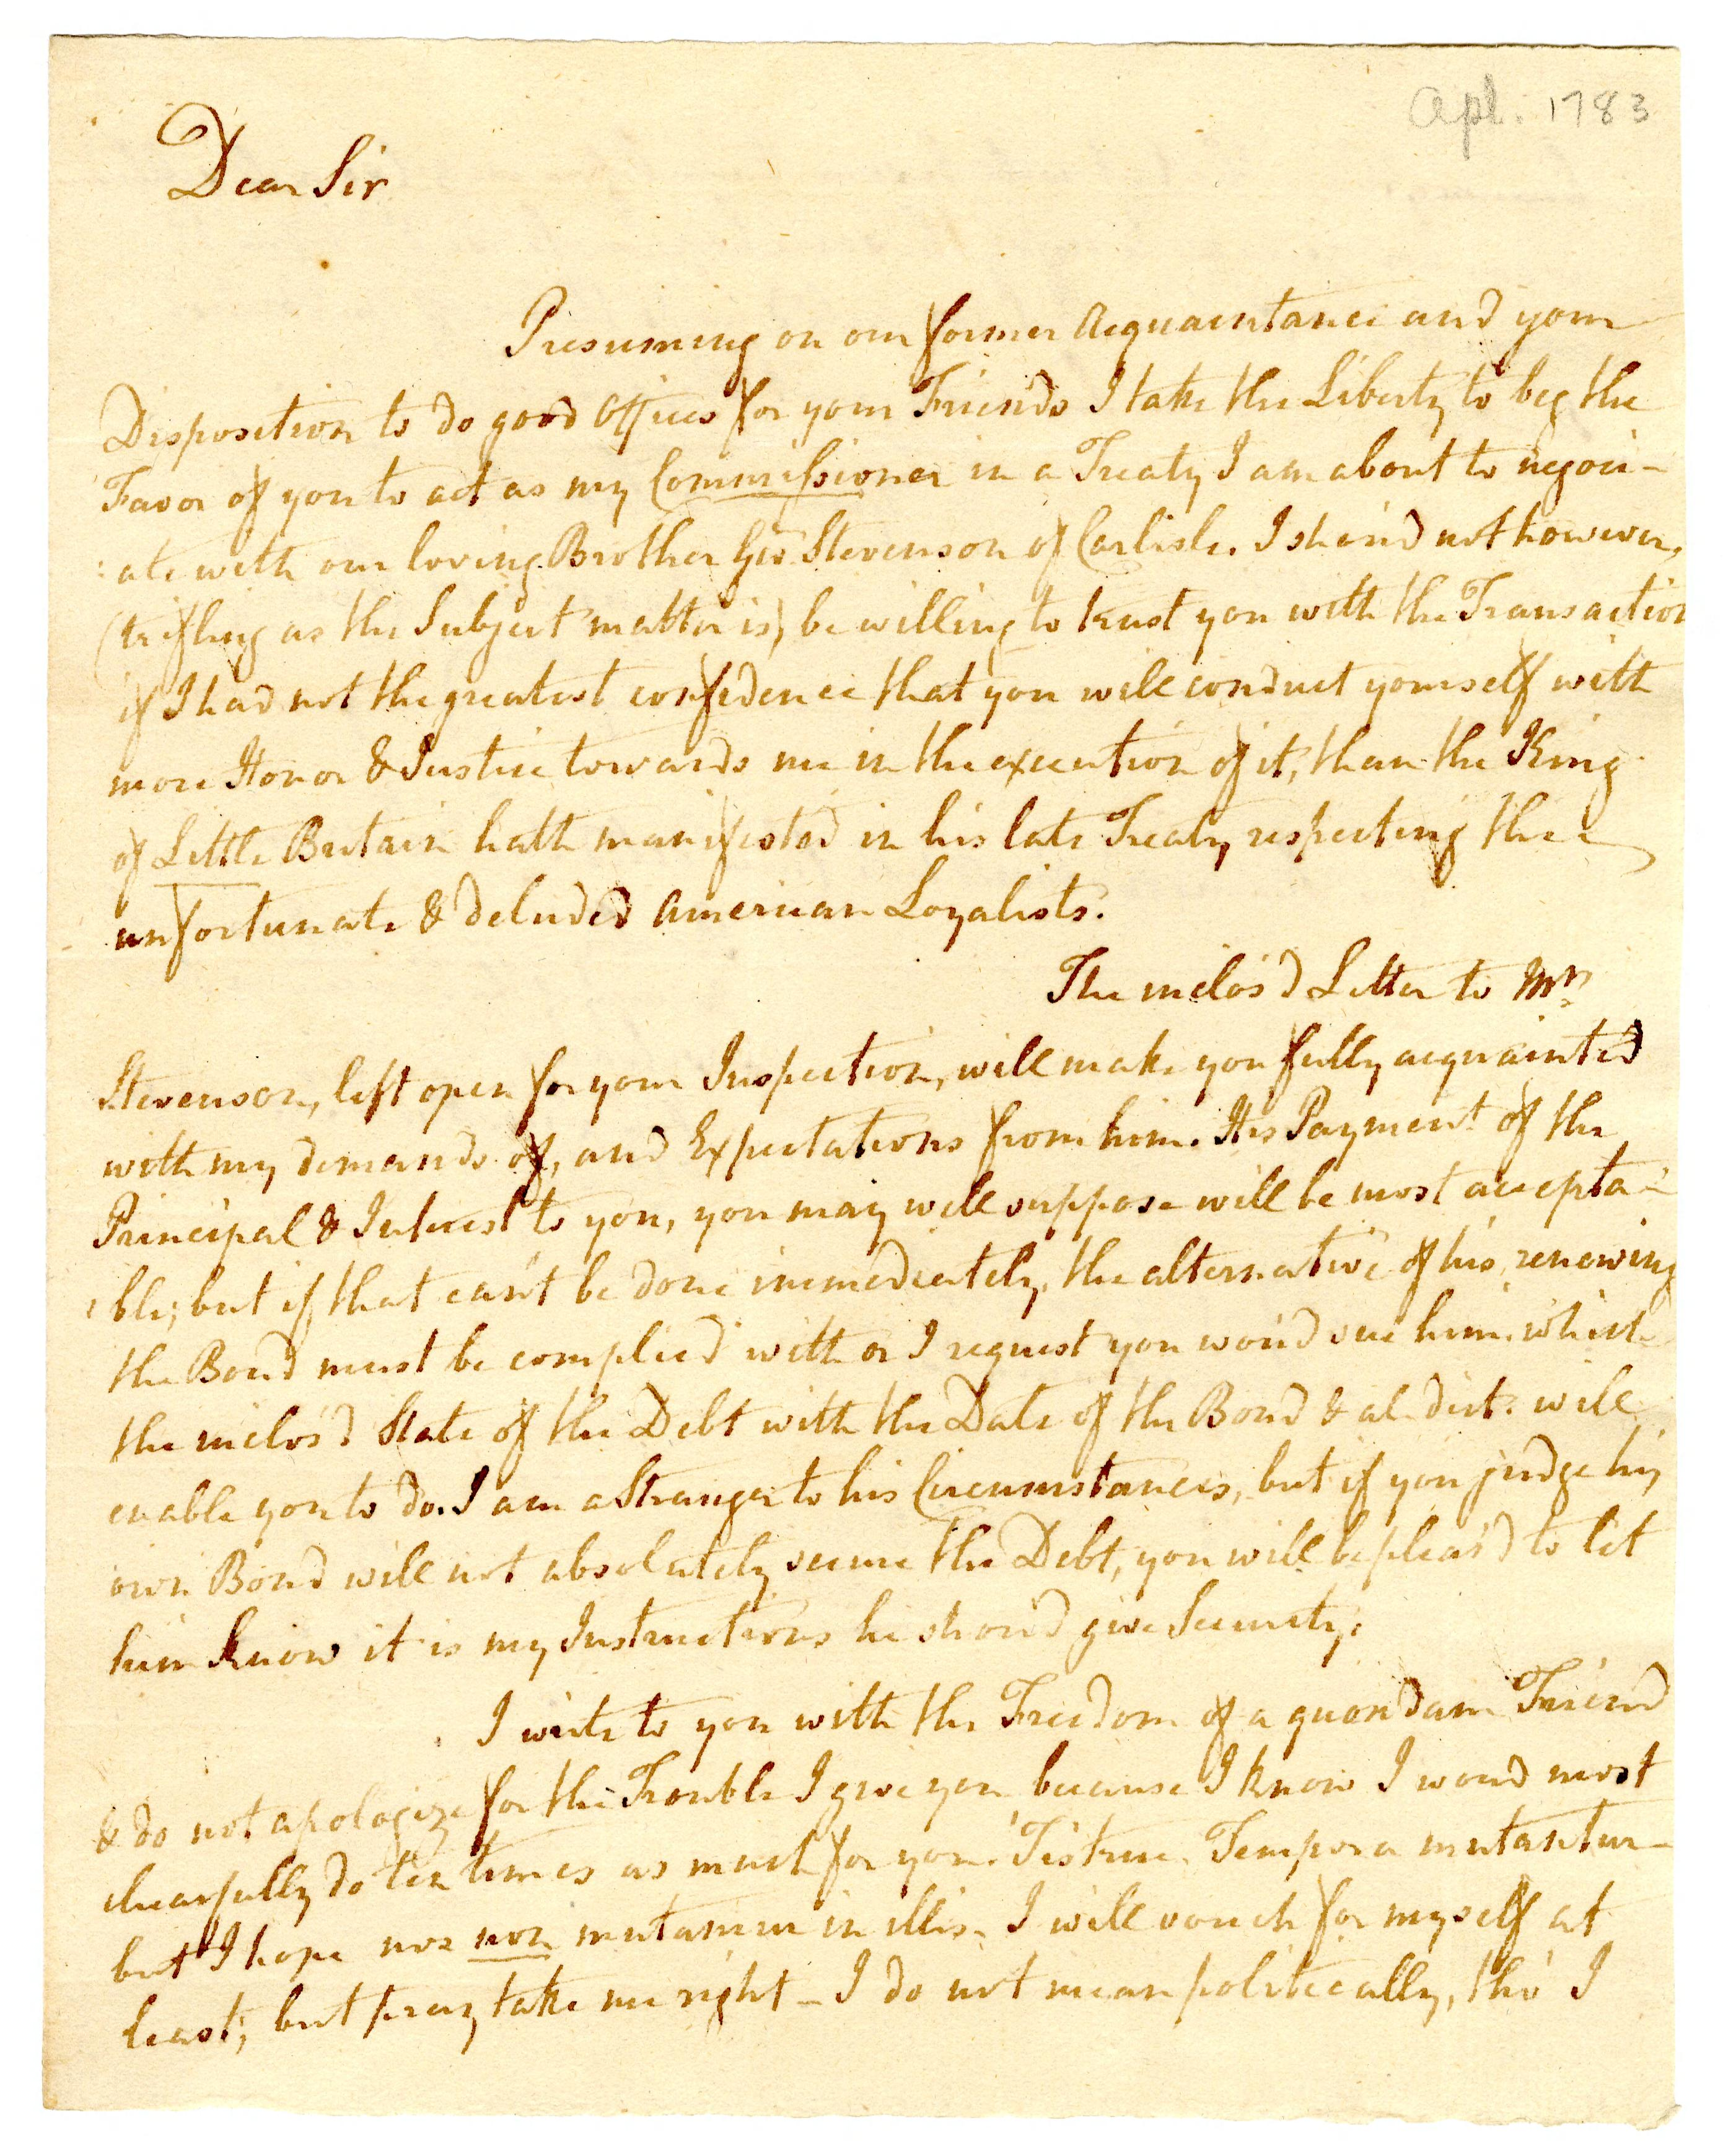Dear Sir
Presuming on our former Acquaintance and your
Disposition to do good Offices for you Friends I take the Liberty to beg the
Favor of you to act as my Commissioner in a Treaty I am about to negoti-
-ate with our loving Brother Geo. Stevenson of Carlisle. I shand not however
(trifling as the Subject matter is) be willing to trust you with the Transaction
if I had not the greatest confidence that you well conduct yourself with
more Honor & Justice towards me in the execution of it, than the King
of Little Britain hath manifested in his late Treaty respecting the
unfortunate & deluded American Loyalists.
The inclos'd Letter to M^r.
Stevenson, left open for your Inspection, will make you fully acquainted
with my demands of, and Expectations from him. His Payment of the
Principal & Interest to you, you may well suppose will be most accepta-
-ble, but if that cant be done immediately the alternative & his renowing
the Bond must be complied with or I request you wou'd sue him which
the inclos'd State of the Debt with the Date of the Bond & al dist. will
enable you to do. I am a Stranger to his Circumstances, but if you judge his
own Bond will not absolutely secure the Debt, you will be pleas'd to let
him know it is my Instructions he shou'd give Security.
I write to you with the Freedom of a quondam Friend
& do not apologize for the Trouble I give yen because I know I wou'd most
chearfully do ten times as much for you. 'Tis true Temper a mutantur
but I hope was now inutamer in ills. I will vouch for myself at
least; but pray, take me right. I do not mean politically, tho' I